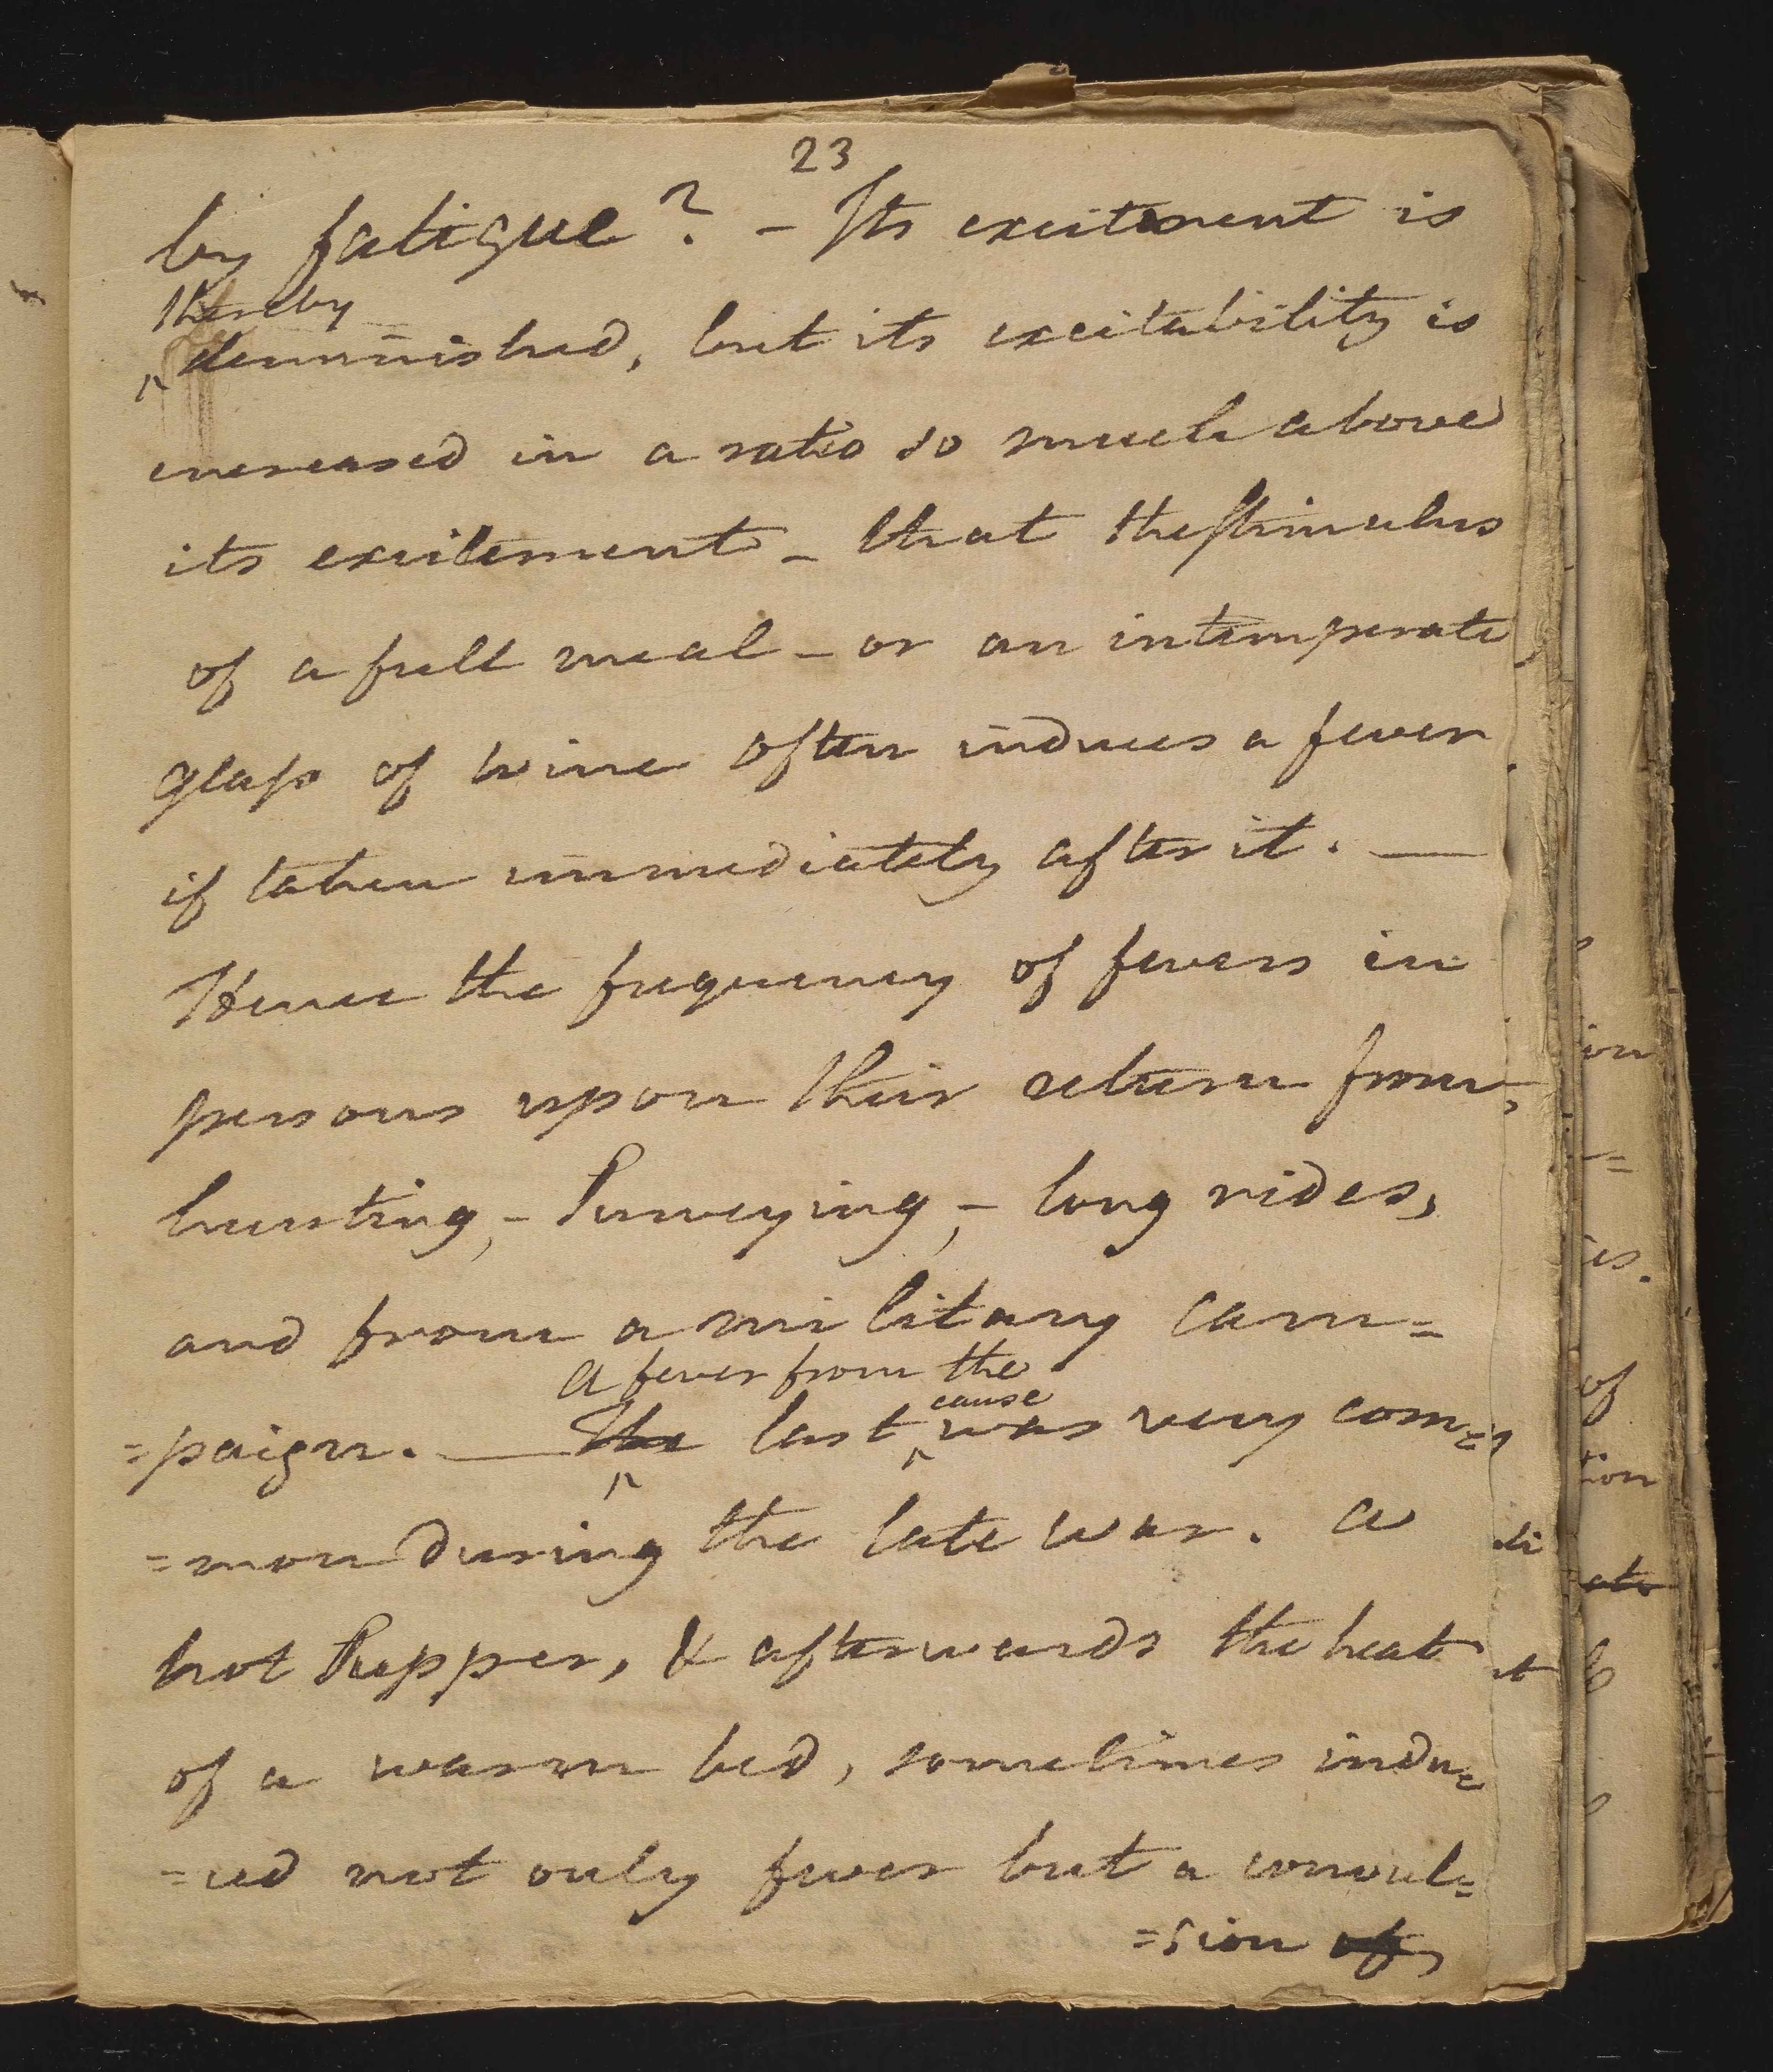23
by fatigue? Its excitment is
thereby
^ diminished, but its excitability is
encreased in a ration so much above
its excitement, that the stimulus
of a full meal, or an intemperate
glass of wine often induces a fever
if taken immediately after it
Have the frequency of fevers in
persons upon their return from
hunting, swaying, long rides,
and from a military cam-
a fever from the
cause
-paign.- ^ [The] last ^ was very com-
-mon during the late war. A
hot pepper, & afterwards the heat
of a warm bed, somtimes indu-
ced not only fever but a convul-
-sion [of]